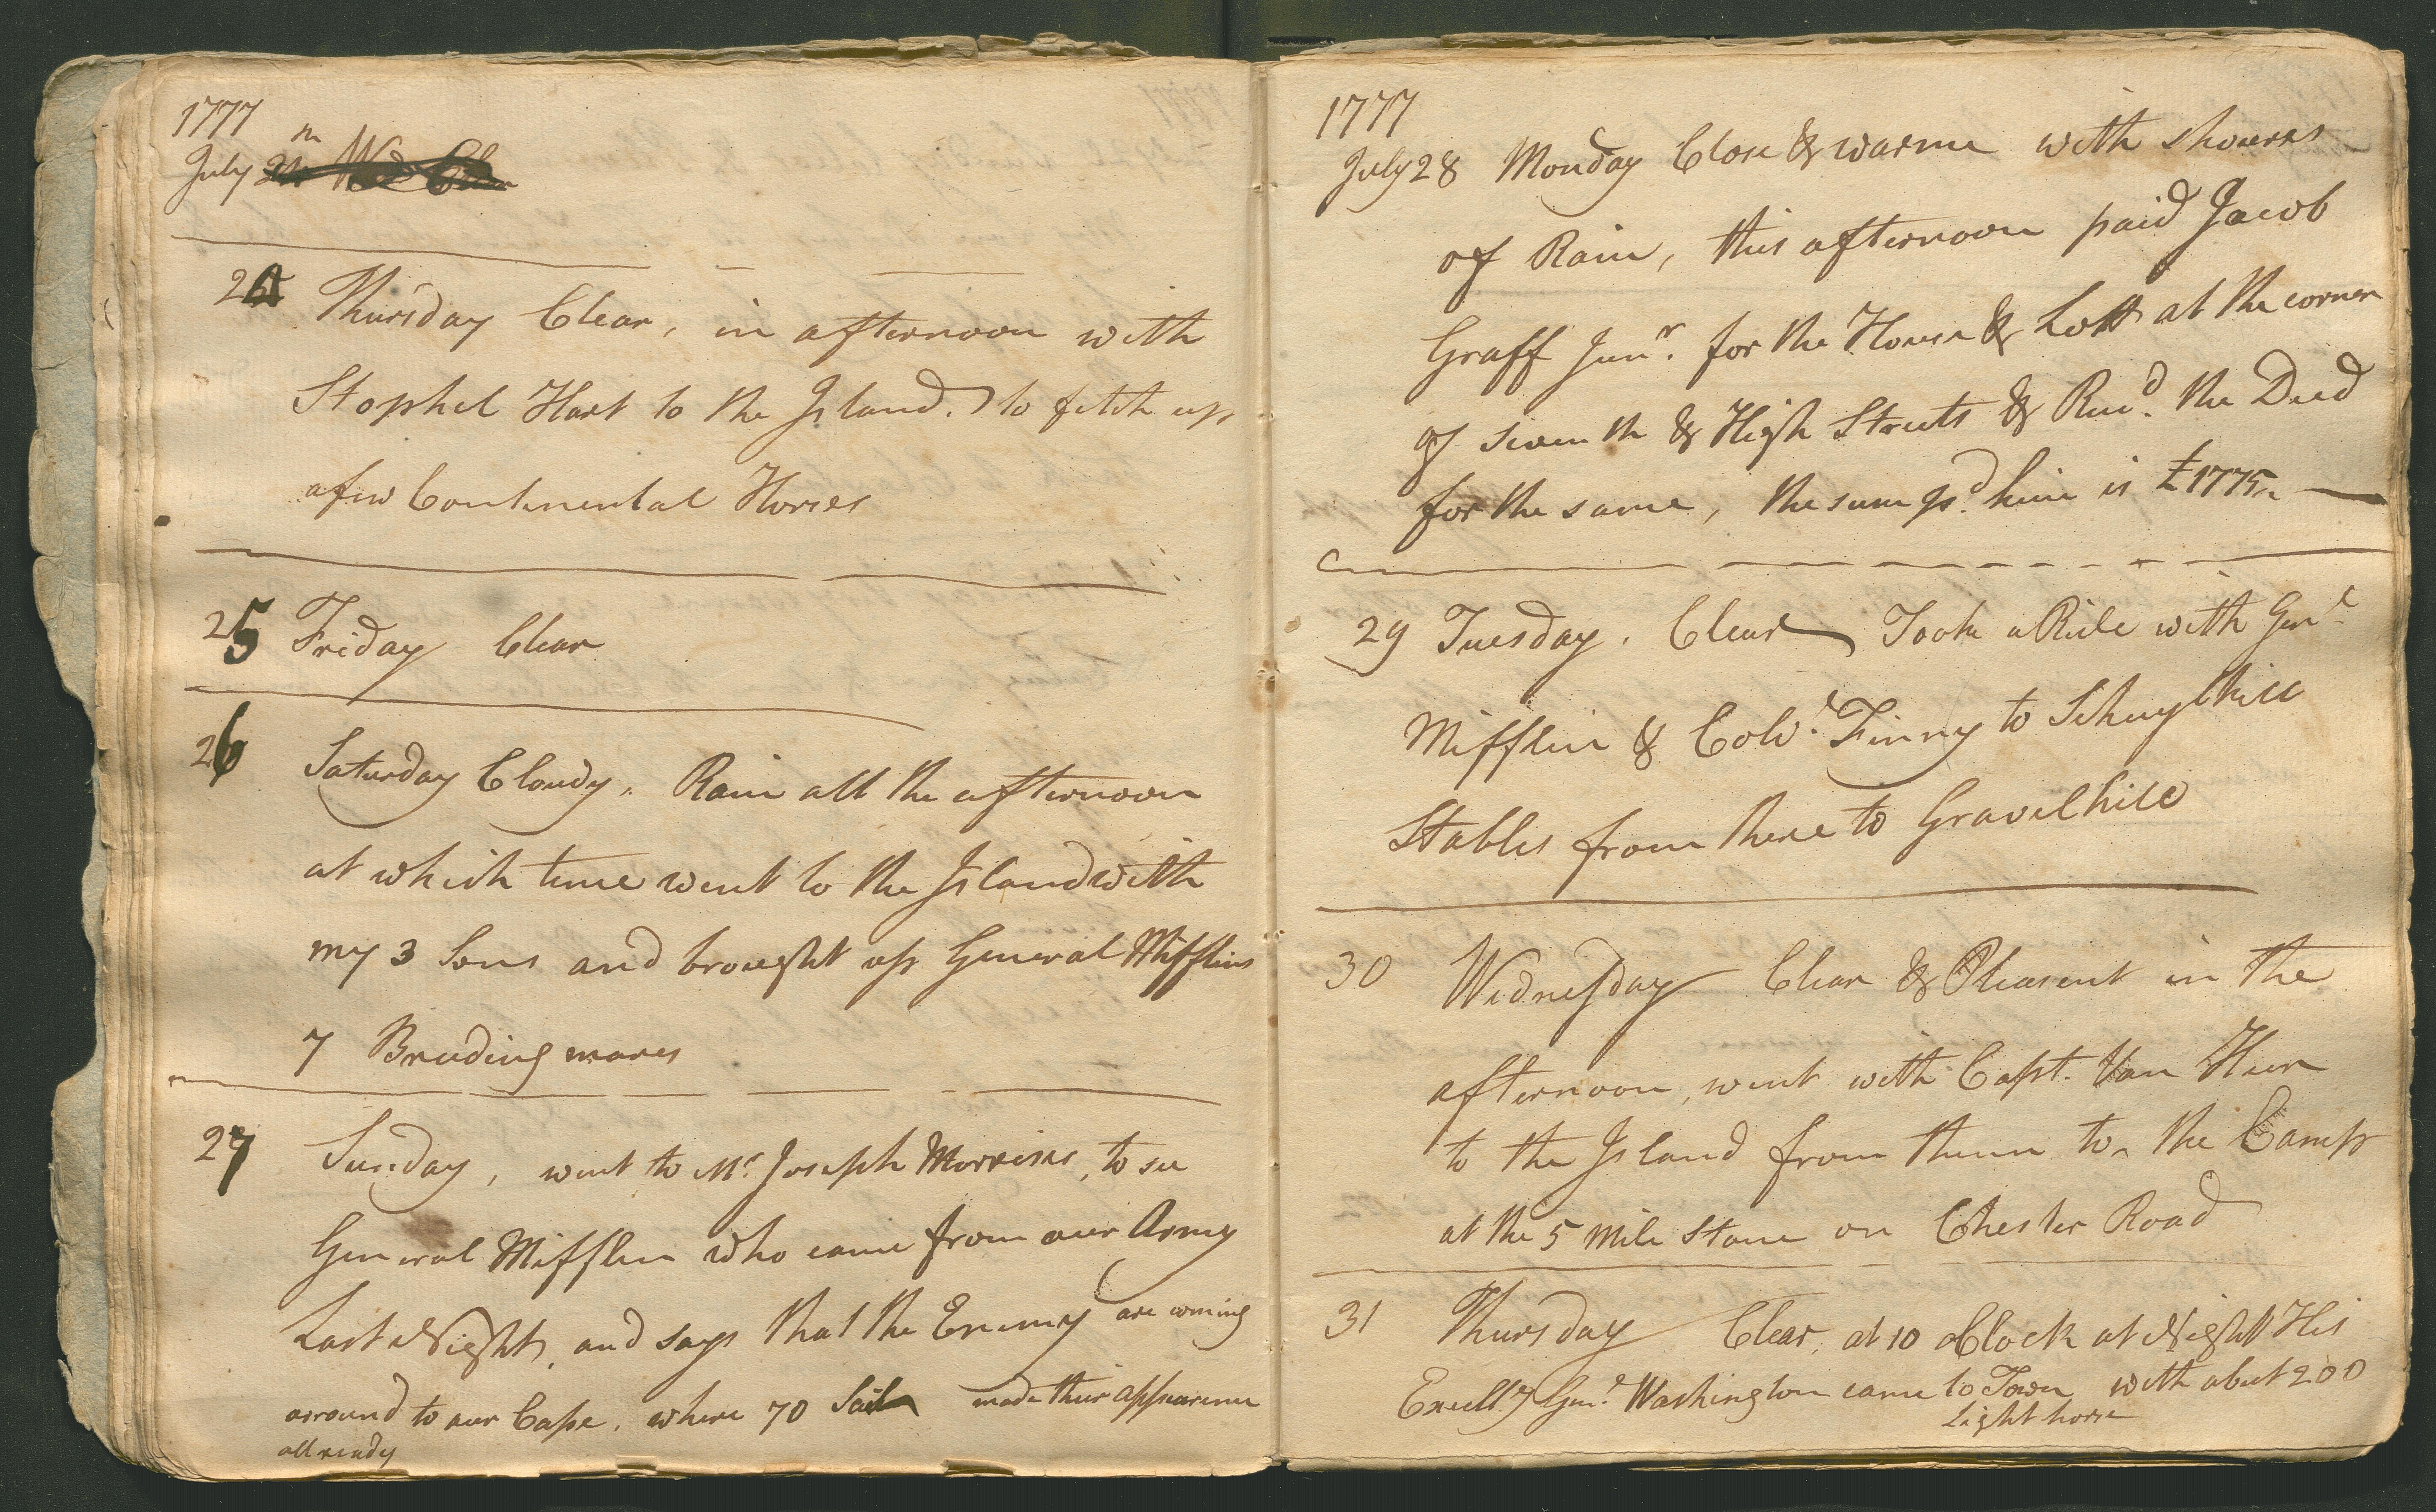1777
July [24^th Wed Clear]
24 Thursday Clear, in afternoon with
Stophel Hart to the Island. to fetch up
a few Continental Horses
25 Friday, Clear
26 Saturday Cloudy. Rain all the afternoon
at which time went to the Island with
my 3 Sons and brought up General Mifflins
7 Breeding mares
27 Sunday, went to M^r. Joseph Morrises, to see
General Mifflin who came from our Army
Last Night and says that the Enemy are coming
arround to our Cape, where 70 Sails made their apppearance
all ready
1777
July 28 Monday Close & warme with shoures
of Rain, this afternoon paid Jacob
Graff Jun^r. for the House & Lolt at the corner
of seventh & High Streets & Rec^d. the Died
for the same, the sum p^d. him is £1775-
29 Tuesday. Clear Took a Ride with Gen^l
Mifflin & Colo^l. Finny to Schuylkill
Stables from there to Gravelhill
30 Wednesday Clear & Pleasent in the
afternoon, went with Capt. Van Heer
to the Island from thence to the Camp
at the 5 Mile Stone on Chester Road
31 Thursday Clear, at 10 oClock at Night His
Excell^y Gen^l. Washington came to Town, with abut 200
Light horse